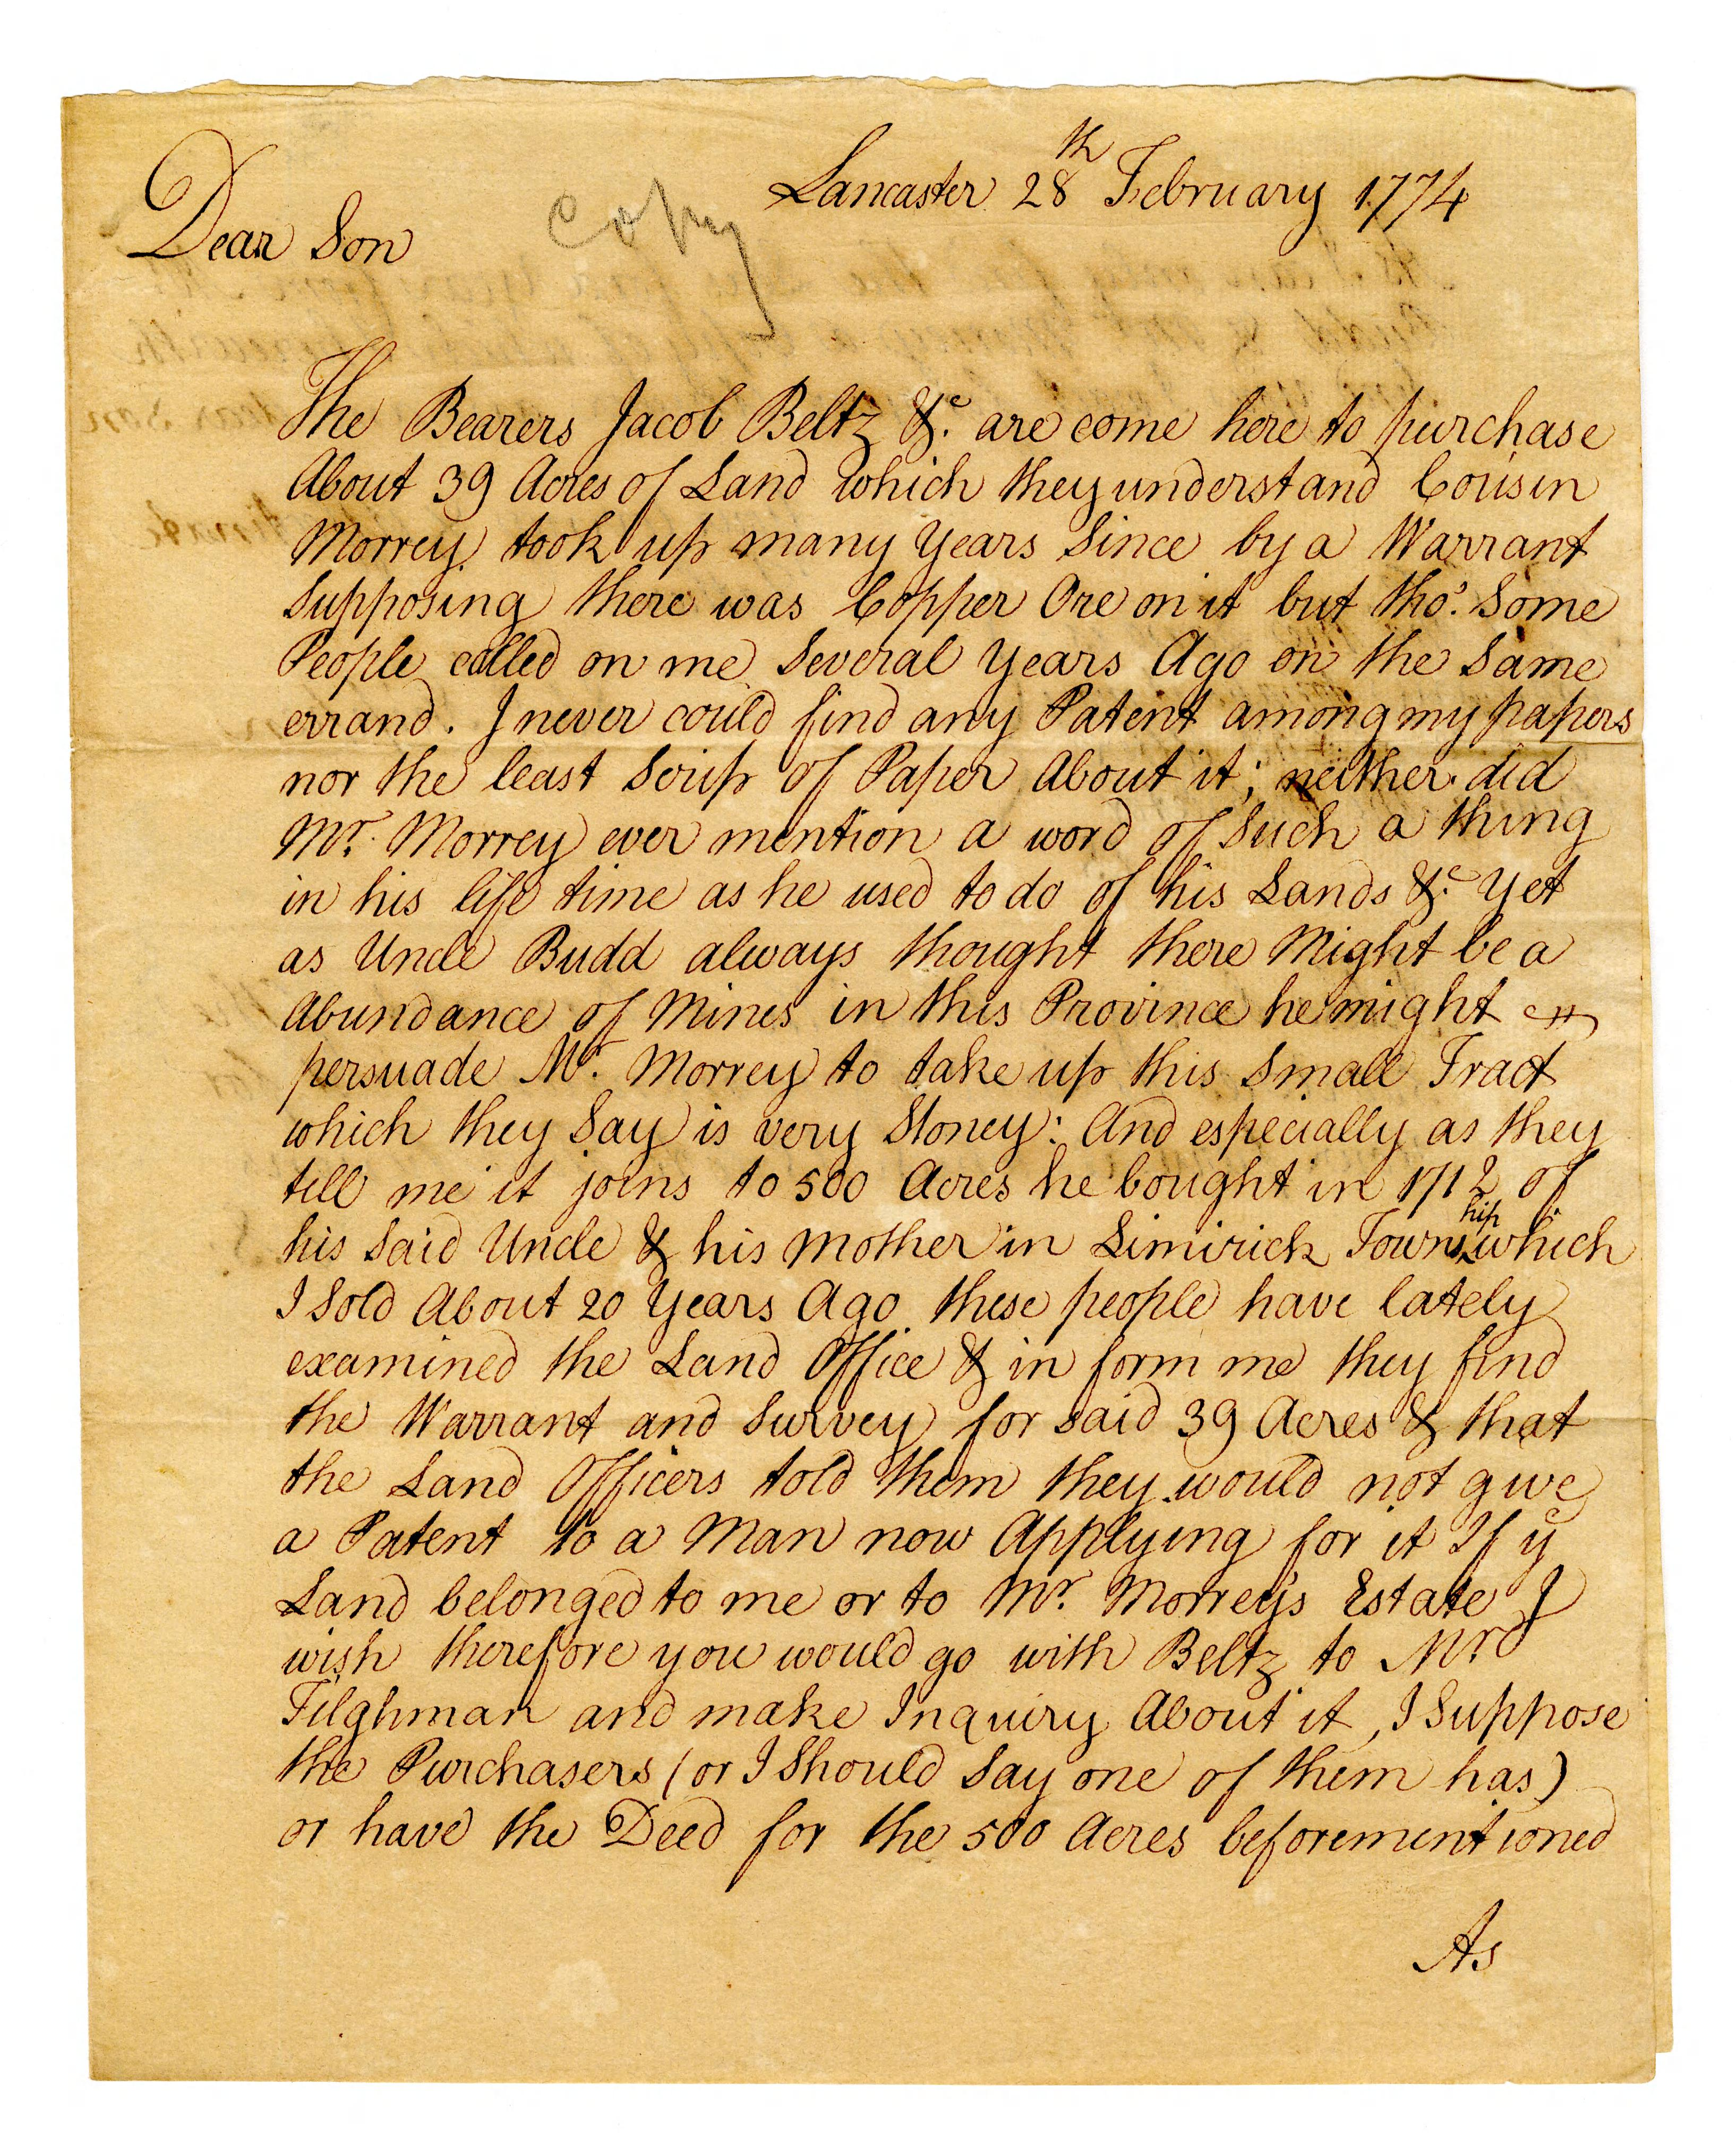Lancaster 28^th February 1774
Dear Son
The Bearers Jacob Beltz &^c. are come here to purchase
About 39 Acres of Land which they understand Cousin
Morrey took up many Years since by a Warrant
Supposing there was Copper Ore on it but tho^s. some
People called on me several years Ago on the same
errand. I never could find any Patent among my papers
nor the least scrip of Paper About it; neither did
M^r. Morrey ever mention a word of such a thing
in his life time as he used to do of this Lands &^c. Yet
as Uncle Budd always thought there Might be a
Abundance of Mines in this Province he might
persuade M^r. Morrey to take up this small Tract
which they say is very Stoney: And especially as they
tell me it joins to 500 Acres he bought in 1712 of
his
his Said Uncle & his Mother in Limirick Town ^ which
I sold About 20 Years Ago these people have lately
examined the Land Office & in form me they find
the Warrant and Survey for said 39 Acres & that
the Land Officers told them they would not give
a Patent to a Man now Applying for it If y^e
Land belonged to me or to M^r. Morrey's Estate I
wish therefore you would go with Beltz to M^r.
Tilghman and make Inquiry About it, I suppose
the Purchasers (or I should say one of them has)
or have the Deed for the 500 acres beforementioned
As